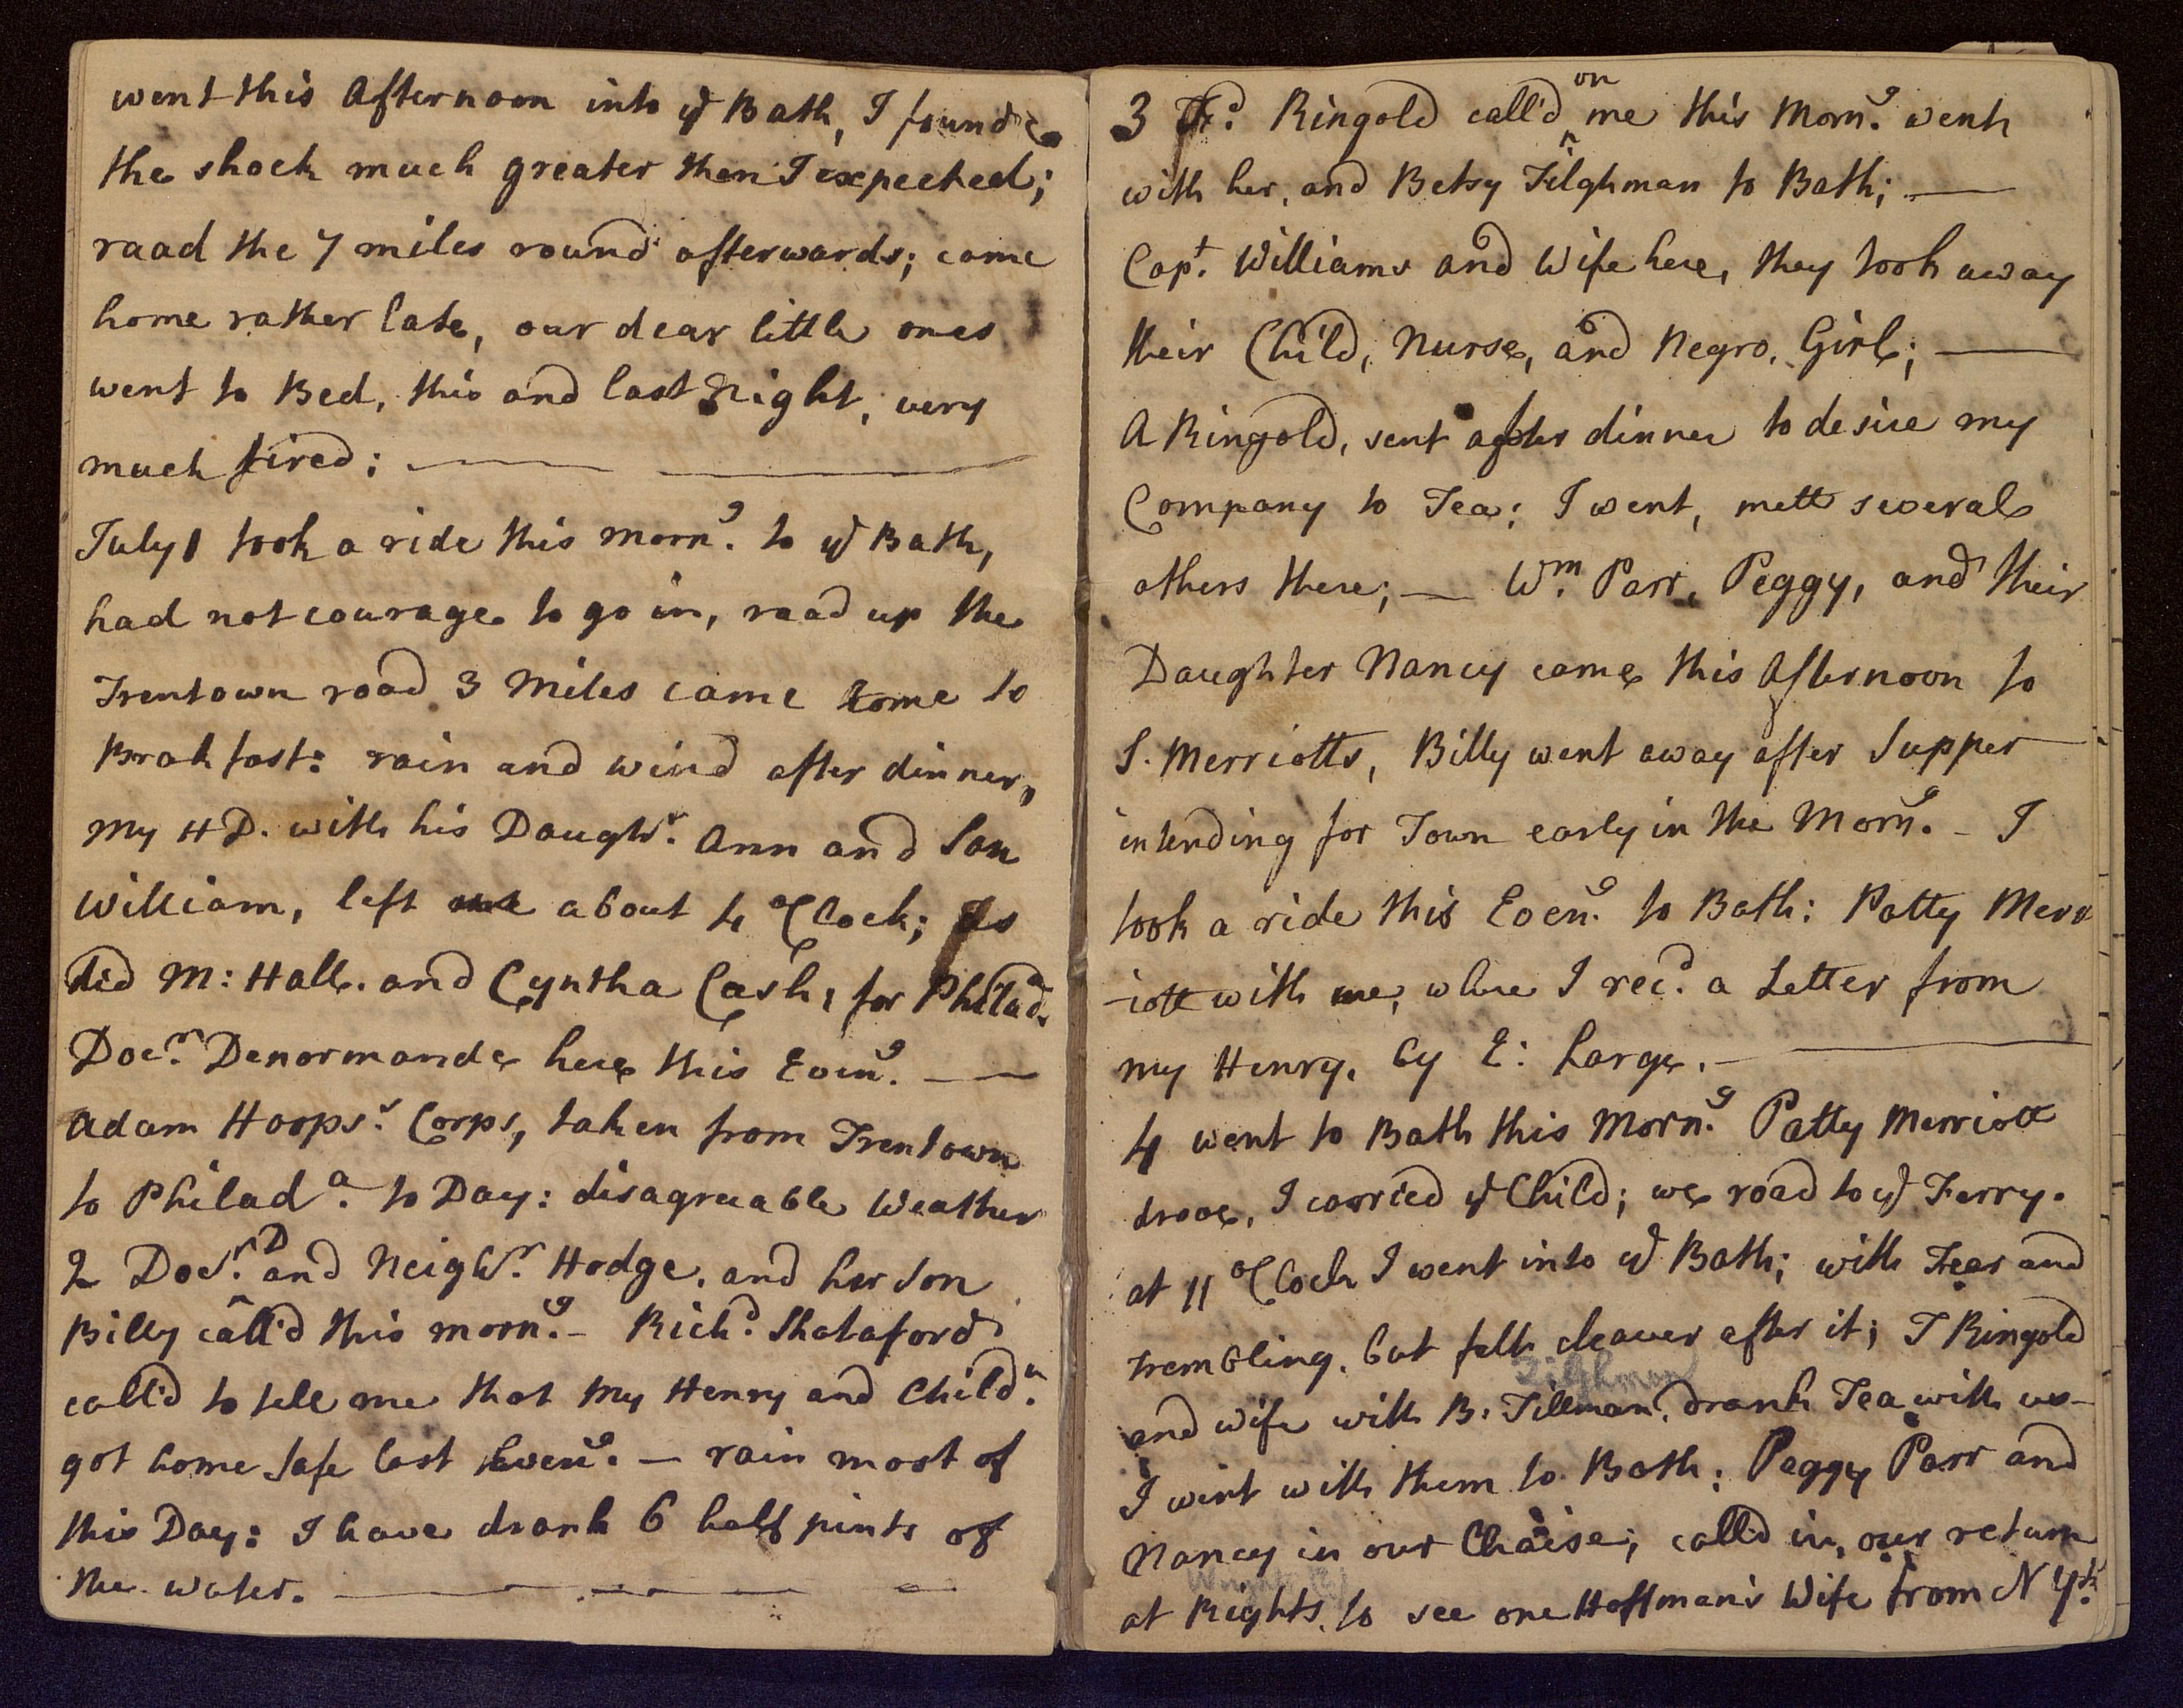went this afternoon into y^e Bath, I found [&]
the shock much greater then I expected;
raad the 7 miles round afterwards; came
home rather late, our dear little ones
went to Bed, this and last night, very
much tired;-
July 1 took a ride this morn^g. to y^e Bath,
had not courage to go in, read up the
Trentown road 3 miles came [h]ome to
Breakfast: rain and wind after dinner,
my HD. with his Daugh^r. Ann and Son
William, left me about 4 ^oClock, as
did M: Hall. and Cyntha Cash: for Philad^a.
Doc^r. Denormande here this Even^g.-
Adam Hoops^s. Corps, taken from Trentown
to Philad^a. To Day: disagreeable Weather
2 Doc^r. ^D and Neig^r. Hodge, and her son
Billy call'd this morn^g.- Rich^d Sha[l]aford
call'd to tell me that my Henry and child^n.
got home Safe last Even^g.- rain most of
this Day: I have drank 6 half pints of
the water.-
on
3 Fr^d. Ringold call'd ^ me this Morn^g. went
with her, and Betsy Tilghman to Bath;-
Cap^t. Williams and wife here, they took away
their Child, Nurse, and Negro, Girl;-
A Ringold, sent after dinner to desire my
Company to Tea: I went, mett several
others there;- W^m. Parr, Peggy, and their
Daughter Nancy came this afternoon to
S. Merriotts, Billy went away after supper
intending for Town early in the Morn^g.- I
took a ride this Even^g. to Bath: Patty Merr-
-iott with me, where I rec^d. a Letter from
my Henry, by E. Large.-
4 went to Bath this Morn^g. Patty Merriott
drove, I carried y^e Child; we road to y^e Ferry.
at 11 ^o Clock I went into y^e Bath; with Fear and
trembling, but fell cleaver after it; T Ringold
and wife with B. Tillman. drank Tea with us -
I went with them to Both: Peggy Parr and
Nancy in our Chaise, call'd in our return
at Rights to see one Hoffman's Wife from NY^k.